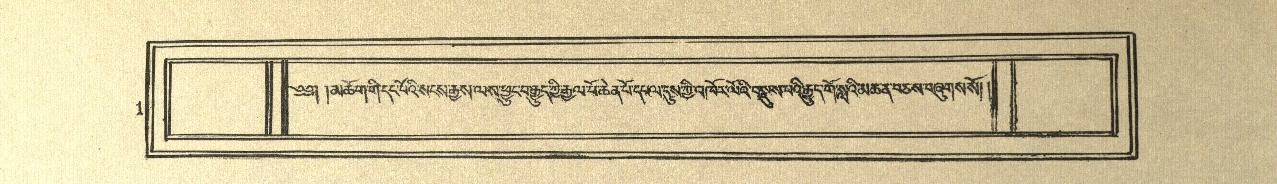༄༅། །མཆོག་གི་དང་པོའི་སངས་རྒྱས་ལས་ཕྱུང་བ་རྒྱུད་ཀྱི་རྒྱལ་པོ་ཆེན་པོ་དཔལ་དུས་ཀྱི་འཁོར་ལོའི་བསྡུས་པའི་རྒྱུད་གོ་སླའི་མཆན་བཅས་བཞུགས་སོ། །